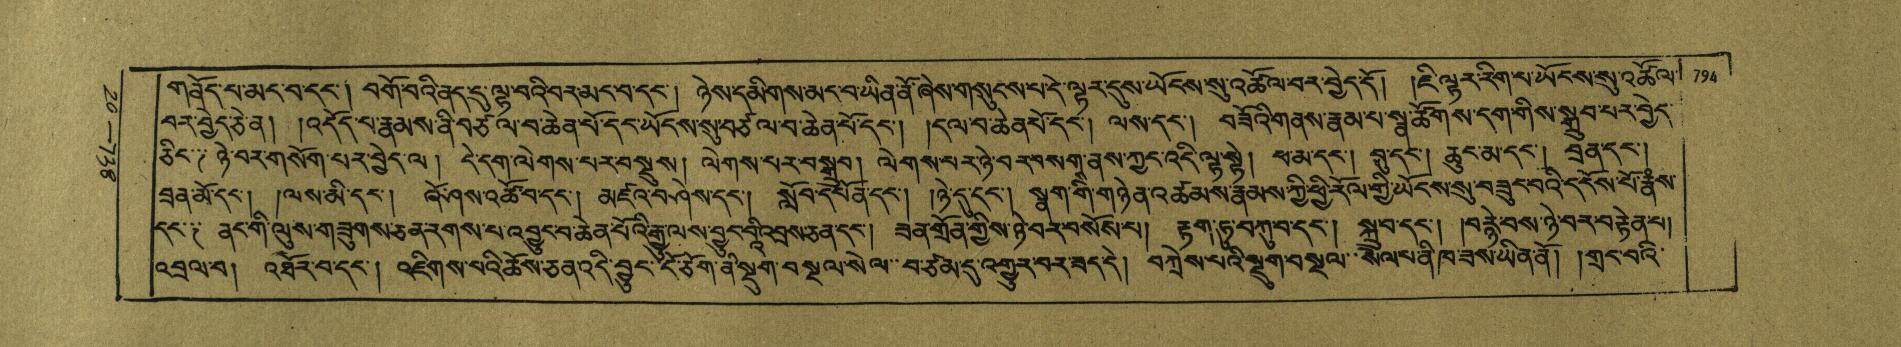གནོད་པ་མང་བ་དང་། བགོ་བའི་ནད་དུ་ལྟ་བའི་བར་མང་བ་དང་། ཉེས་དམིགས་མང་བ་ཡིན་ནོ་ཞེས་གསུངས་པ་དེ་ལྟར་དུས་ཡོངས་སུ་འཚོལ་བར་བྱེད་དོ། །ཇི་ལྟར་རིག་པ་ཡོངས་སུ་འཚོལ་
བར་བྱེད་ཅེ་ན། །འདོད་པ་རྣམས་ནི་བཙལ་བ་ཆེན་པོ་དང་ཡོངས་སུ་བཙལ་བ་ཆེན་པོ་དང་། །དལ་བ་ཆེན་པོ་དང་། ལས་དང་། བཟོའི་གནས་རྣམ་པ་སྣ་ཚོགས་དག་གིས་སྒྲིབ་པར་བྱེད་
ཅིང༑ ཉེ་བར་གསོག་པར་བྱེད་ལ། དེ་དག་ལེགས་པར་བསྡུས། ལེགས་པར་བསྒྲུབ། ལེགས་པར་ཉེ་བར་བསགས་ནས་ཀྱང་འདི་ལྟ་སྟེ། ཕ་མ་དང་། བུ་དང་། ཆུང་མ་དང་། བྲན་དང་།
བྲན་མོ་དང་། །ལས་མི་དང་། ཞོ་ཤས་འཚོ་བ་དང་། མཛའ་བཤེས་དང་། སློབ་དཔོན་དང་། །ཉེ་དུ་དང་། སྔག་གི་གཉེན་འཚམས་རྣམས་ཀྱི་ཕྱི་རོལ་གྱི་ཡོངས་སུ་བཟུང་བའི་དངོས་པོ་རྣཾས་
དང༑ ནང་གི་ལུས་གཟུགས་ཅན་རགས་པ་འབྱུང་བ་ཆེན་པོའི་རྒྱུ་ལས་བྱུང་བའི་འབྲས་ཅན་དང་། ཟན་གྲོན་གྱིས་ཉེ་བར་བསོས་པ། རྟག་ཏུ་བཀུ་བ་དང་། སྐྲུ་བ་དང་། །བརྙེ་བས་ཉེ་བར་བརྟེན་པ།
འབྲལ་བ། འཐོར་བ་དང་། འཇིགས་པའི་ཆོས་ཅན་འདི་བྱུང་ངོ་ཅོག་ནི་སྡུག་བསྔལ་སེལ་བ་ཙམ་དུ་འགྱུར་བར་ཟད་དེ། བཀྲེས་པའི་སྡུག་བསྔལ་སེལ་པ་ནི་ཁ་ཟས་ཡིན་ནོ། །གྲང་བའི་